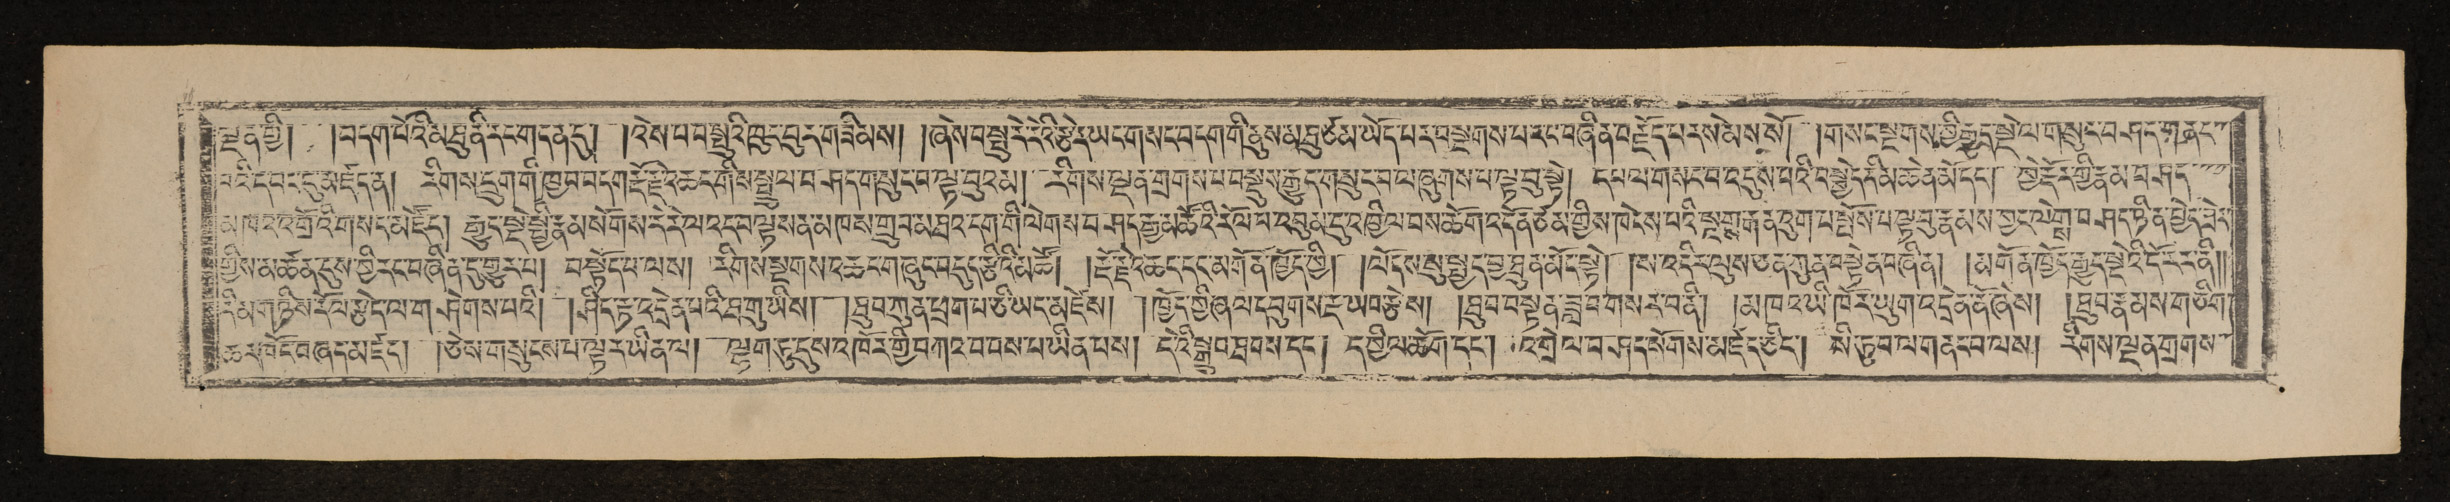ལྡན་གྱི། །བདག་པོའི་མཐུན་རེད་གདན་དུ། །འོས་པ་བ་སྤུའི་ཁུང་བུར་གཟིམས། །ཞེས་བ་སྤུ་རེ་རེའི་རྩེར་ཡང་གསང་བདག་གི་ནུས་མཐུ་ཙམ་ཡོད་པར་བསྔགས་པ་རང་བཞིན་བརྗོད་པར་སེམས་སོ། །གསང་སྔགས་ཀྱི་རྒྱུད་སྡེ་ལ་གསུང་བཤད་གནང་
བའི་དབང་དུ་མཛད་ན། རིགས་དྲུག་གི་ཁྱབ་བདག་རྡོ་རྗེ་འཆང་གིས་སྤྲུལ་བཤད་གསུང་པ་ལྟ་བུའམ། རིགས་ལྡན་གྲགས་པ་བསྡུས་རྒྱུད་གསུང་བ་ལ་ཞུགས་པ་ལྟ་བུ་སྟེ། དཔལ་གསང་བ་འདུས་པའི་བསྐྱེད་རིམ་ཆེན་མོ་དང་། ཀྱེ་རྡོར་གྱི་རྣམ་བཤད་
མཁའ་འགྲོའི་གསང་མཛོད། རྒྱུད་སྡེ་སྤྱི་རྣམ་སོགས་རེ་རེ་ལའང་བལྟས་ན་མཁས་གྲུབ་མཐའ་དག་གི་ལེགས་བཤད་རྒྱ་མཚོའི་རོལ་པ་འབུམ་དུ་འཁྱིལ་བས་ཆོ་ག་འདོན་ཙམ་གྱིས་ཁེངས་པའི་སྔགས་རྒན་འུག་པ་སྤོས་པ་ལྟ་བུ་རྣམས་ཀྱང་ལེགས་བཤད་ཉིན་བྱེད་ཟེར་
གྱིས་མཚན་དུས་ཀྱི་རང་བཞིན་དུ་གྱུར་པ། བསྟོད་པ་ལས། རིགས་སྔགས་འཆང་གཞུང་བདུད་རྩིའི་མཚོ། །རྡོ་རྗེ་འཆང་དང་མགོན་ཁྱོད་ཀྱི། །ལོངས་སུ་སྤྱད་བྱ་ཐུན་མོང་སྟེ། །ས་འདིར་ལུས་ཅན་ཀུན་བསྟེན་བཞིན། །མགོན་ཁྱོད་རྒྱུད་སྡེའི་དོ་རར་ནི།།
རིམ་གཉིས་རོལ་རྩེད་ལ་གཤེགས་པའི། །ཤིང་རྟ་འདྲེན་པའི་ཐ་གུ་ཡིས། །ཐུབ་ཀུན་ཕྲག་པ་ཅི་ཡང་མཛེས། །ཁྱོད་ཀྱི་ཞལ་དབུགས་རྔ་ཡབ་རྩེས། །ཐུབ་བསྟན་ཟླ་བ་གསར་བ་ནི། །མཁའ་ཡི་ཁོར་ཡུག་འདྲེན་ནོ་ཞེས། །ཐུབ་རྣམས་གཅིག་
ཆར་ཁོང་བཞད་མཛད། །ཅེས་གསུངས་པ་ལྟར་ཡིན་ལ། ལྷག་ཏུ་དུས་འཁོར་གྱི་བཀའ་བབས་བ་ཡིན་པས། དེའི་སྒྲུབ་ཐབས་དང་། དཀྱིལ་ཆོག་དང་། འགྲེལ་བཤད་སོགས་མཛད་ཅིང་། སི་ཏུ་པ་ལ་གནང་བ་ལས། རིགས་ལྡན་གྲགས་